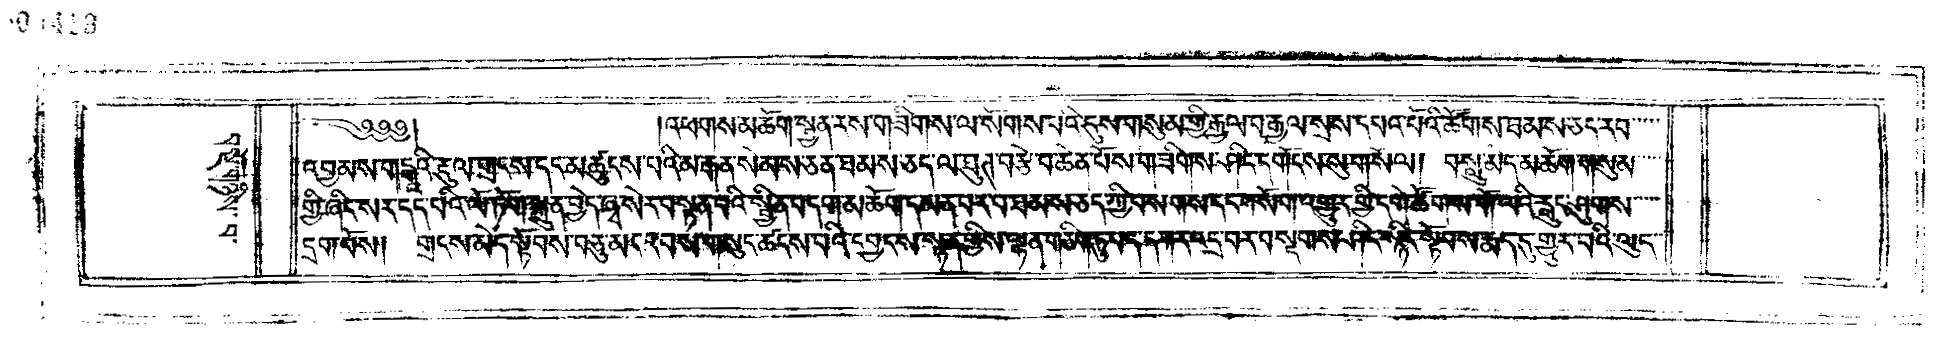༄༅༅། །འཕགས་མཆོག་སྤྱན་རས་གཟིགས་ལ་སོགས་པའི་དུས་གསུམ་གྱི་རྒྱལ་བ་རྒྱལ་སྲས་དཔའ་བོའི་ཚོགས་ཐམས་ཅད་རབ་
འབྱམས་གངྒཱའི་རྡུལ་གྲངས་དང་མཚུངས་པའི་མ་རྒན་སེམས་ཅན་ཐམས་ཅད་ལ་ཐུགས་བརྩེ་བ་ཆེན་པོས་གཟིགས་ཤིང་དགོངས་སུ་གསོལ། བསླུ་མེད་མཆོག་གསུམ་
གྱི་ཞིང་སར་དད་པའི་ལོ་ཏོག་སྐྲུན་བྱེད་ཞྭ་སེར་བསྟན་པའི་སྦྱིན་བདག་མཆོག་དམན་བར་བ་ཐམས་ཅད་ཀྱི་བསགས་དང་གསོག་འགྱུར་གྱི་དགེ་ཚོགས་གོ་ལའི་རླུང་ཤུགས་
དྲག་པོས། གྲངས་མེད་སྟོབས་བཅུ་མངར་བས་གསུང་ཚངས་བའི་དབྱངས་སྙན་གྱིས་ལྷན་གཅིག་ཏུ་པད་དཀར་འདྲ་བར་བསྔགས་ཤིང་སྙིང་སྟོབས་རྨད་དུ་གྱུར་བའི་ལུང་